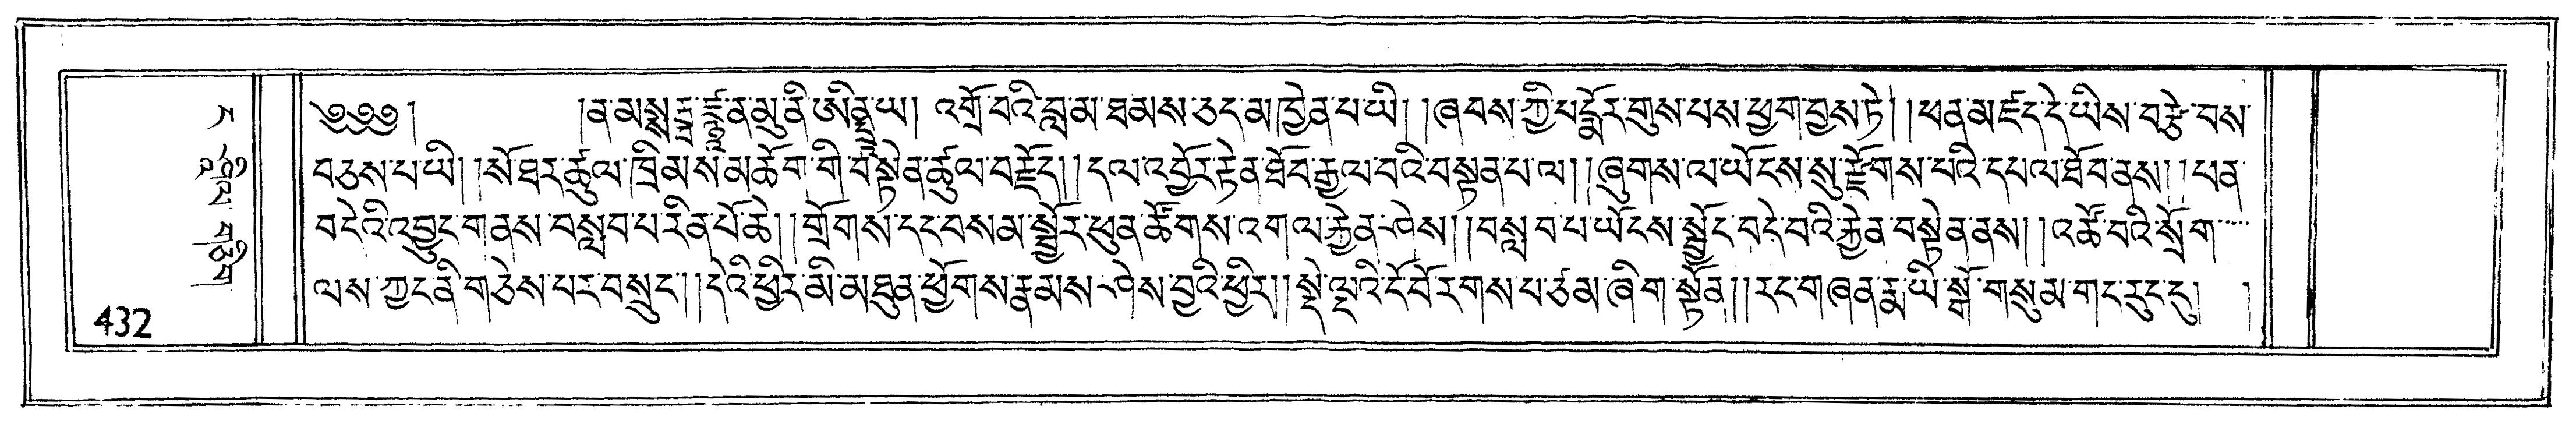༄༅༅། །ན་མས་སརྦྦ་ཛྙཱ་ན་མུ་ནི་ཨིནྡྲཱ་ཡ། འགྲོ་བའི་བླ་མ་ཐམས་ཅད་མཁྱེན་པ་ཡི། །ཞབས་ཀྱི་པདམོར་གུས་པས་ཕྱག་བྱས་ཏེ། །ཕན་མཛད་དེ་ཡིས་བརྩེ་བས་
བཅས་པ་ཡི། །སོ་ཐར་ཚུལ་ཁྲིམས་མཆོག་གི་བསྟེན་ཚུལ་བརྗོད། །དལ་འབྱོར་རྟེན་ཐོབ་རྒྱལ་བའི་བསྟན་པ་ལ། །ཞུགས་ལ་ཡོངས་སུ་རྫོགས་པའི་དཔལ་ཐོབ་ནས། །ཕན་
བདེའི་འབྱུང་གནས་བསླབ་པ་རིན་པོ་ཆེ། །གྲོགས་དང་བསམ་སྦྱོར་ཕུན་ཚོགས་འགལ་རྐྱེན་ཤེས། །བསླབ་པ་ཡོངས་སྦྱོང་བདེ་བའི་རྐྱེན་བསྟེན་ནས། །འཚོ་བའི་སྲོག་
ལས་ཀྱང་ནི་གཅེས་པར་བསྲུང་། །དེའི་ཕྱིར་མི་མཐུན་ཕྱོགས་རྣམས་ཤེས་བྱའི་ཕྱིར། །སྡེ་ལྔའི་ངོ་བོ་རགས་པ་ཙམ་ཞིག་སྟོན། །རང་གཞན་རྨ་ཡི་སྒོ་གསུམ་གང་རུང་དུ། །